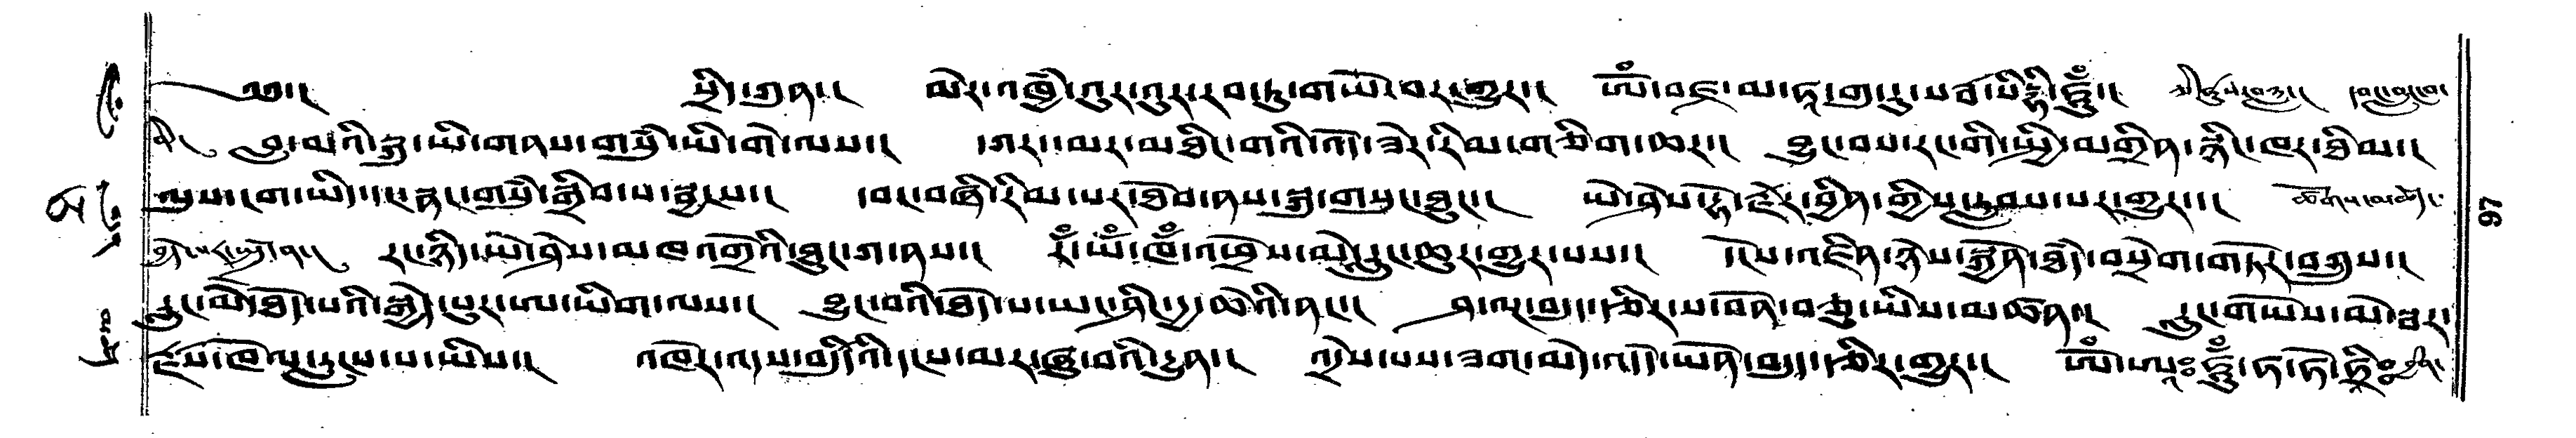སྲིད་ཀུན། །མེར་འཁྱོམ་འུར་འུར་རབ་ཏུ་གཡོ་བར་གྱུར། ཨོཾ་བཛྲ་མ་ཧཱ་གུ་རུ་སརྦ་སིདྡྷི་ཧཱུྃ། ཅི་ནུས་བཟླ། དབང་བླང་བ་
ནི། བླ་མའི་སྐུ་ཡི་གནས་གསུམ་ཡི་གེ་ལས། །དཀར་དམར་མཐིང་གའི་འོད་ཟེར་རིམ་གཅིག་ཆར། །བྱུང་བས་རང་གི་སྤྱི་མགྲིན་སྙིང་ཁར་ཐིམ། །
ལུས་ངག་ཡིད་དང་སྣང་གསུམ་སྒྲིབ་པ་སྦྱངས། །དབང་བཞི་རིམ་པར་ཐོབ་ནས་སྐུ་གསུང་ཐུགས། །ཡེ་ཤེས་རྡོ་རྗེར་བྱིན་གྱིས་བརླབས་པར་གྱུར། ཚོགས་མཆོད་
བྱེད་པར་སྤྲོ་ན། རང་ཉིད་ཡེ་ཤེས་མཁའ་འགྲོའི་ཐུགས་ཀ་ནས། །རྃ་ཡྃ་ཁྃ་འཕྲོས་མེ་རླུང་ཆུར་གྱུར་པས། །དངོས་འཛིན་ཉེས་སྐྱོན་ཐམས་ཅད་བསྲེགས་གཏོར་བཀྲུས། །
རླུང་མེ་ཐོད་པའི་སྒྱེད་པུར་ཨ་ཡིག་ལས། །བྱུང་བའི་ཐོད་པ་ཡངས་ཤིང་རྒྱ་ཆེའི་ནང་། །ཤ་ལྔ་བདུད་རྩིར་ས་བོན་བཅུ་ཡིས་མཚན། །རླུང་གཡོས་མེ་སྦར་
རྫས་ཁོལ་རླངས་པ་ཡིས། །འཁོར་འདས་བདུད་རྩིའི་དྭངས་མར་ཞུ་བའི་རྒྱུན། །འདྲེས་པས་ཟག་མེད་འདོད་ཡོན་བདུད་རྩིར་གྱུར། །ཨོཾ་ཨཱཿཧཱུྃ་ཧ་ཧོ་ཧྲཱིཿ བྱིན་